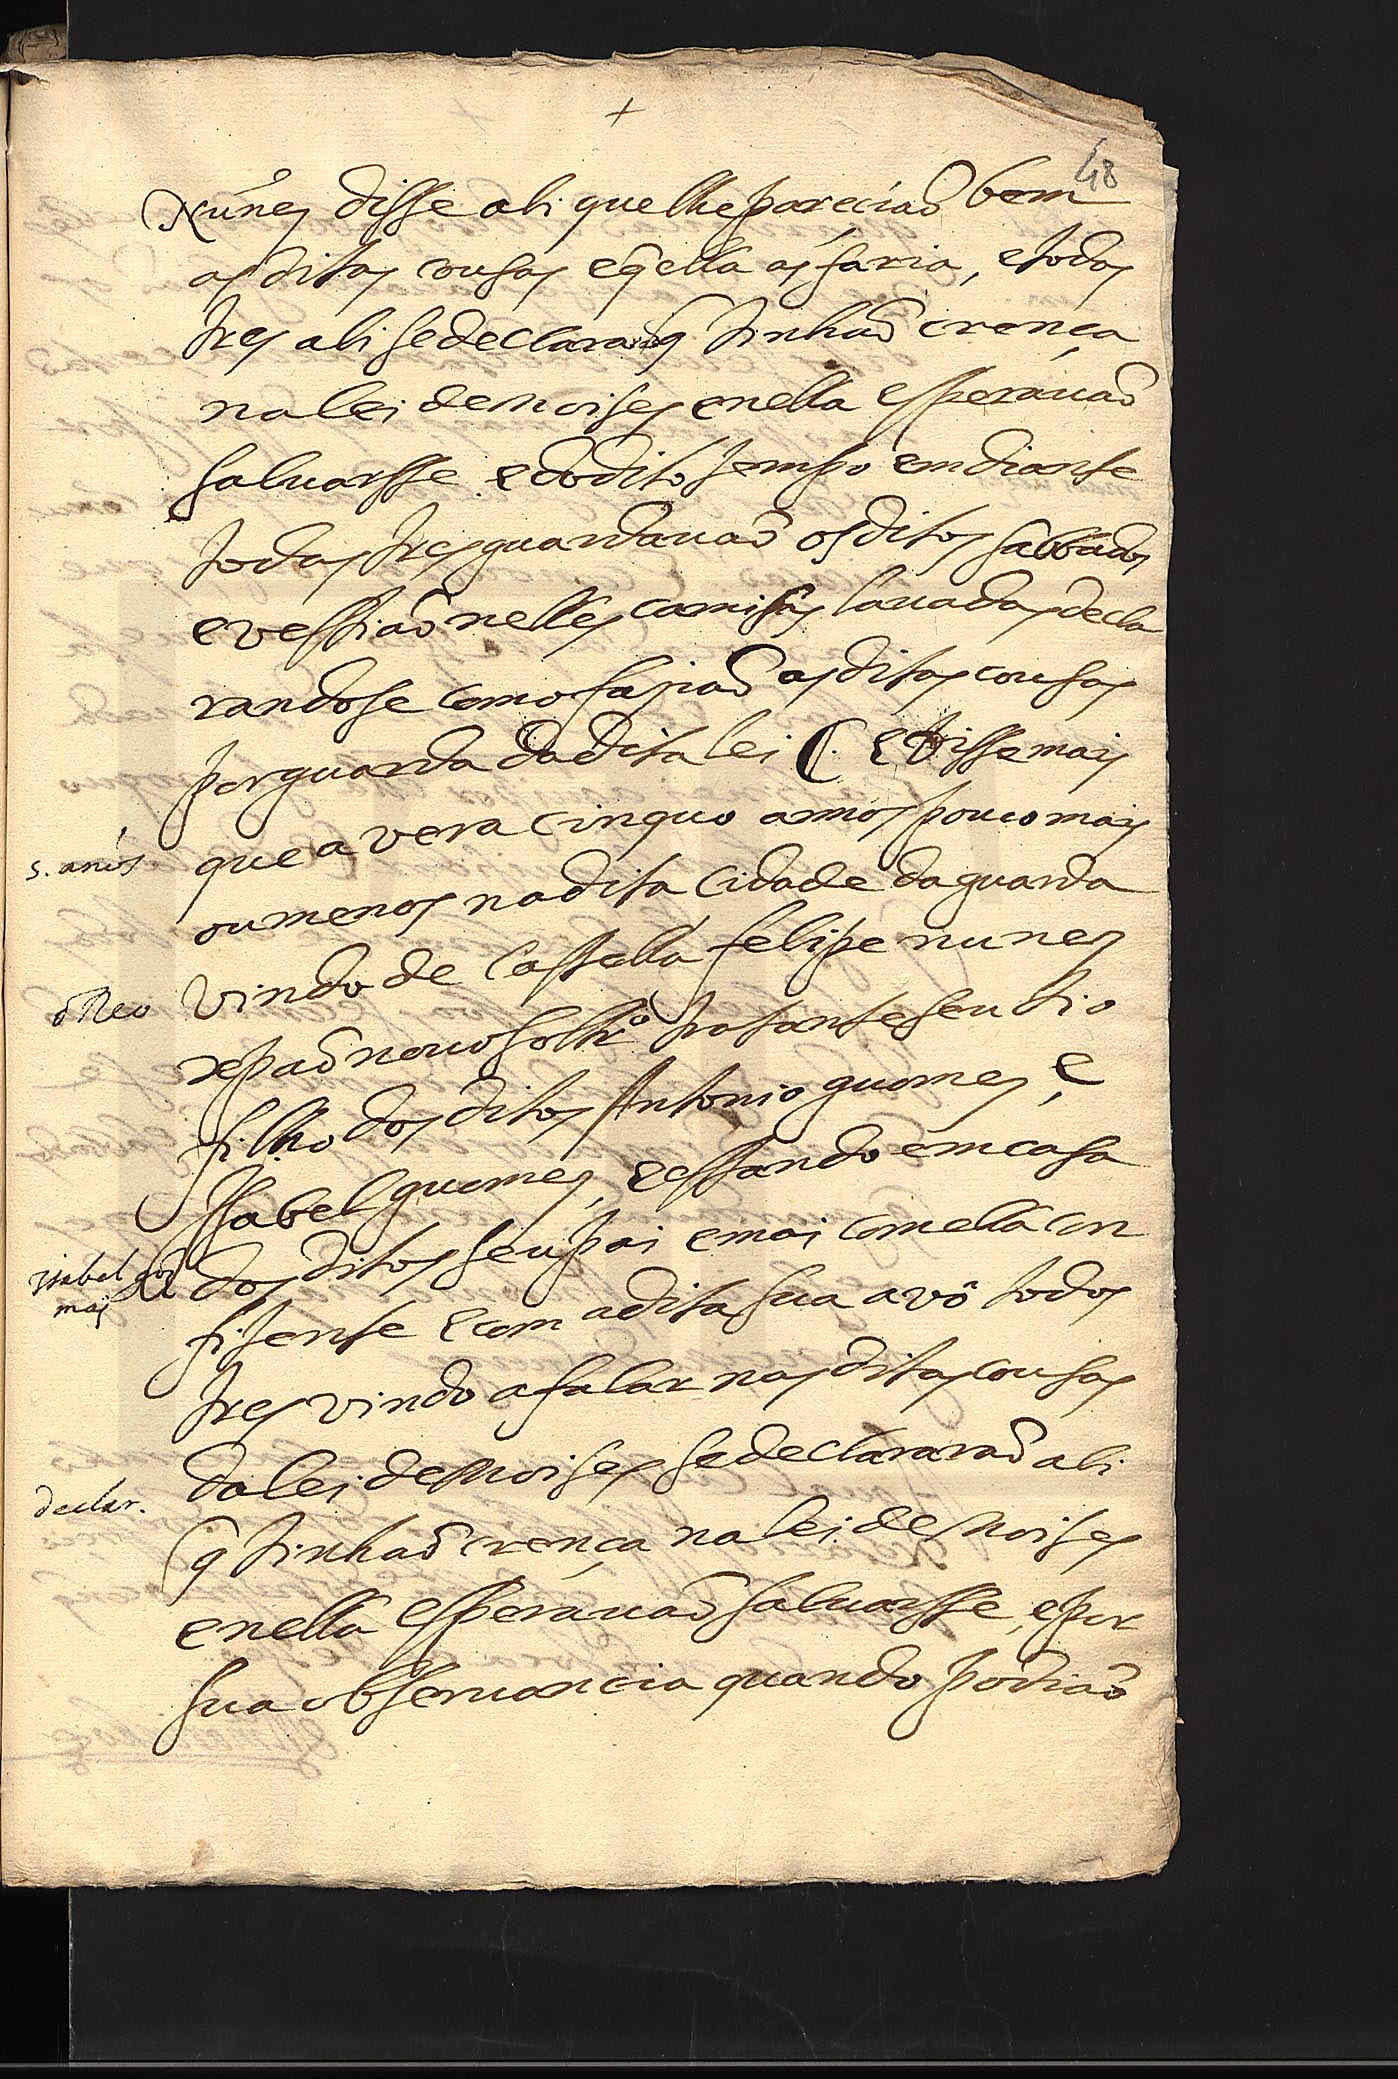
Nun̄ez disse ali que lhe pareçiaõ bem
as ditas cousas e q̄ ella as faria, e todas
tres ali se declarara q̄ tinhaõ crença
na lei de moises e nella esperauaõ
saluarsse e do dito tempo em diante
todas tres guardauaõ os ditos sabbados
e vestiaõ nelles camisas lauadas decla
randose como faziaõ as ditas cousas
por guarda da dita lei ¶ E Disse mais
que avera cinquo annos pouco mais
ou menos na dita Çidade da guarda
vindo de Castella felipe nunez
xpaõ nouo soltro tratante seu tio
filho dos ditos Antonio guomez, e
Jsabel guomez, e estando em casa
dos ditos seu pai e mai com ella con
fitente e com a dita sua avô todos
tres vindo a falar nas ditas cousas
da lei de Moises se declararaõ ali
q̄ tinhaõ crença na lei de Moises
e nella esperauaõ saluarsse, e por
sua obseruancia quando podiaõ
